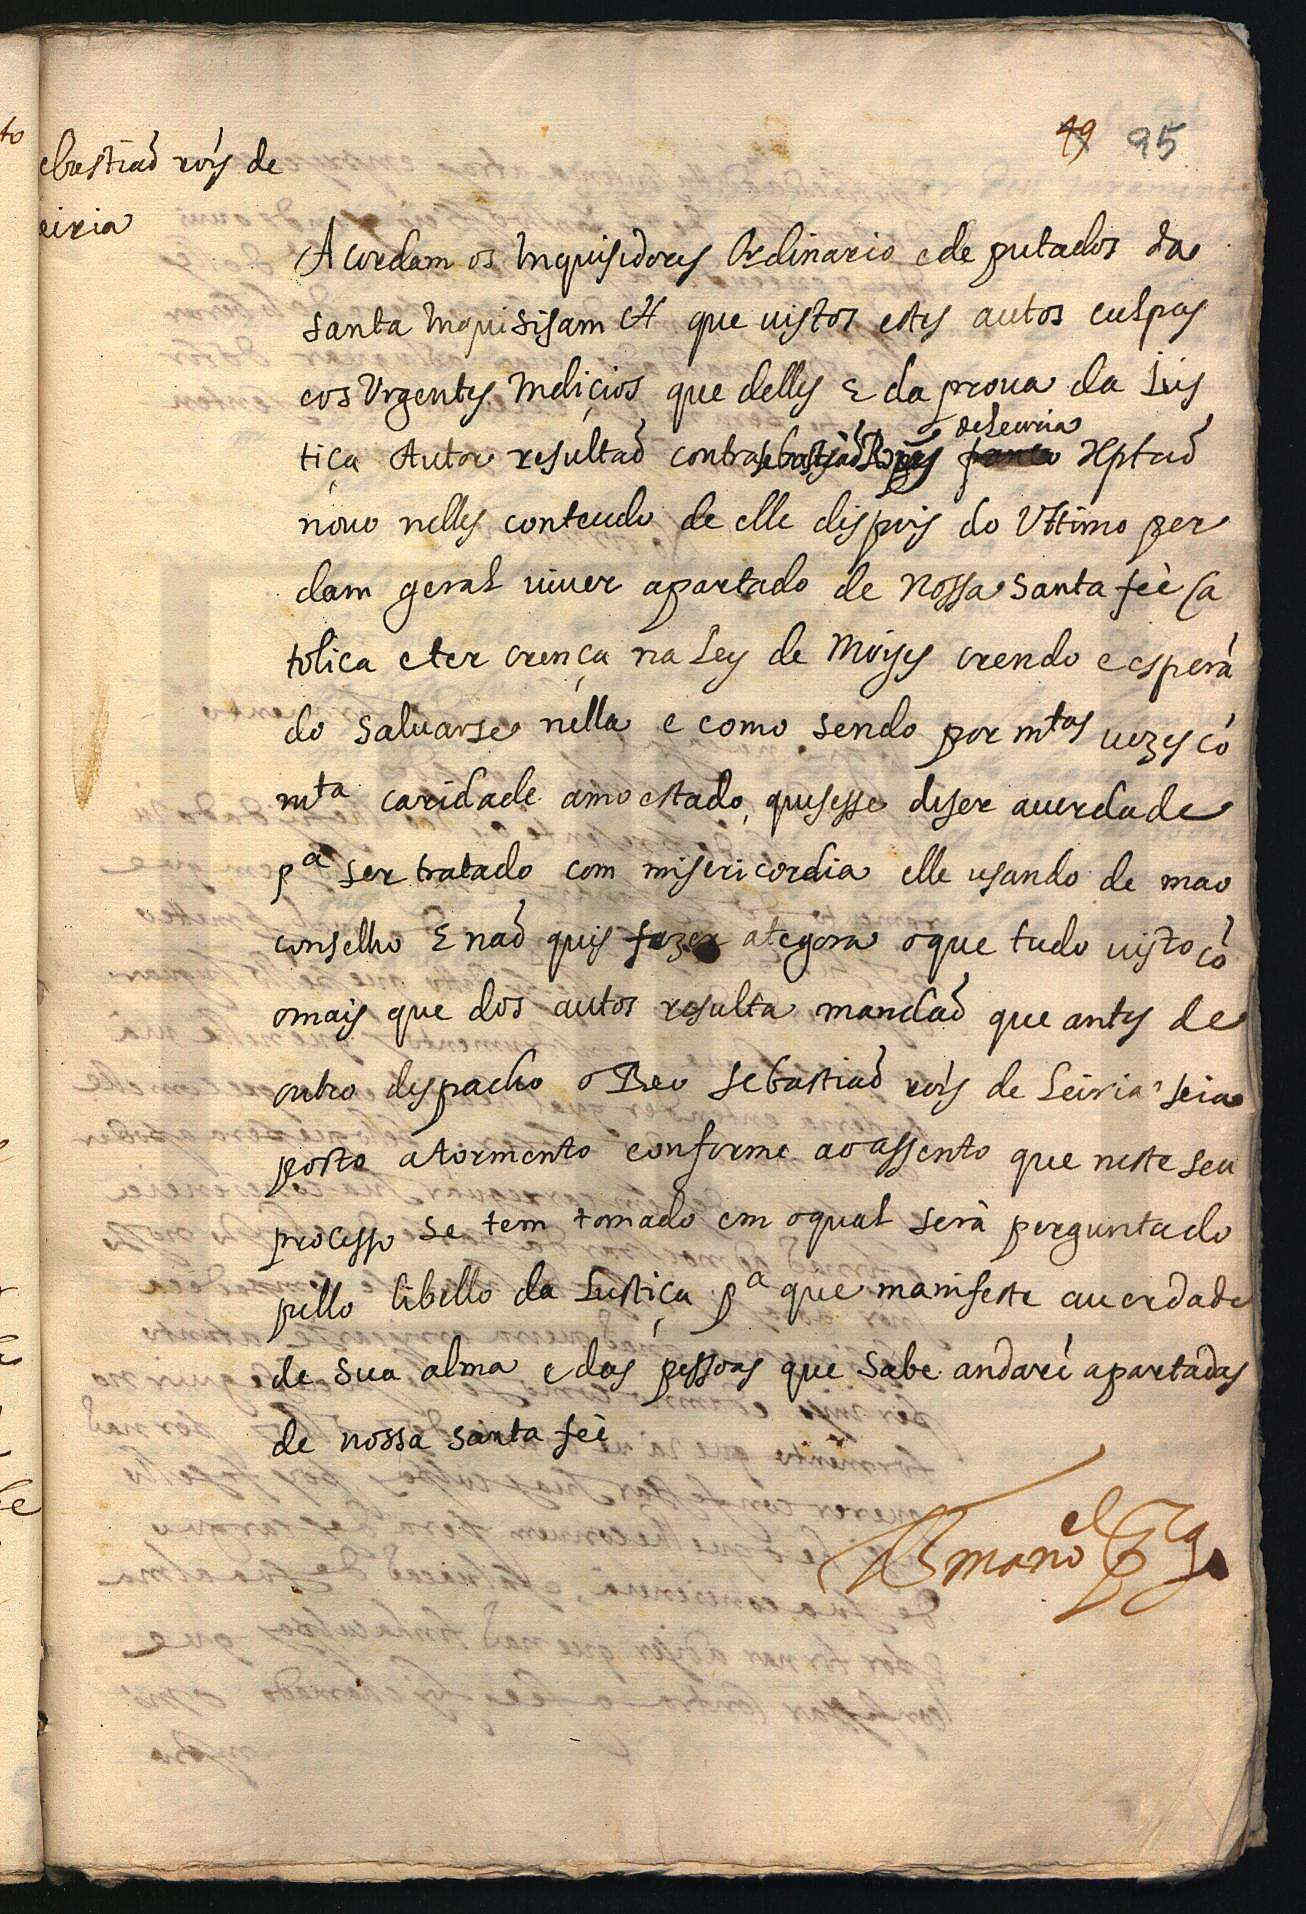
ebastiaõ roīs de
eiria
Acordam os Inquisidores Ordinario e deputados da
santa Inquisisam ett que uistos estes autos culpas
e os Vrgentes Indiçios que delles E da proua da Ius
tiça Autor resultaõ contra sebastiaõ Rois̄ _ Xptaõ
de Leuria
nouo nelles conteudo de elle dispois do Vltimo per
dam geral uiuer apartado de nossa santa feè Ca
tolica e ter crença na Ley de moises crendo e esperā
do saluarse nella e como sendo por mtas uezes cō
mta caridade amoestado, quisesse diser a uerdade
pa ser tratado com misericordia elle usando de mao
conselho E naõ quis fazer ate gora o que tudo uisto cō
o mais que dos autos resulta mandaõ que antes de
outro despacho o Reo sebastiaõ roīs de Leiria seia
posto a tormento conforme ao assento que neste seu
processo se tem tomado em o qual serà perguntado
pello libello da Iustiça pa que manifeste a uerdade
de sua alma e das pessoas que sabe andarē apartadas
de nossa santa feè
